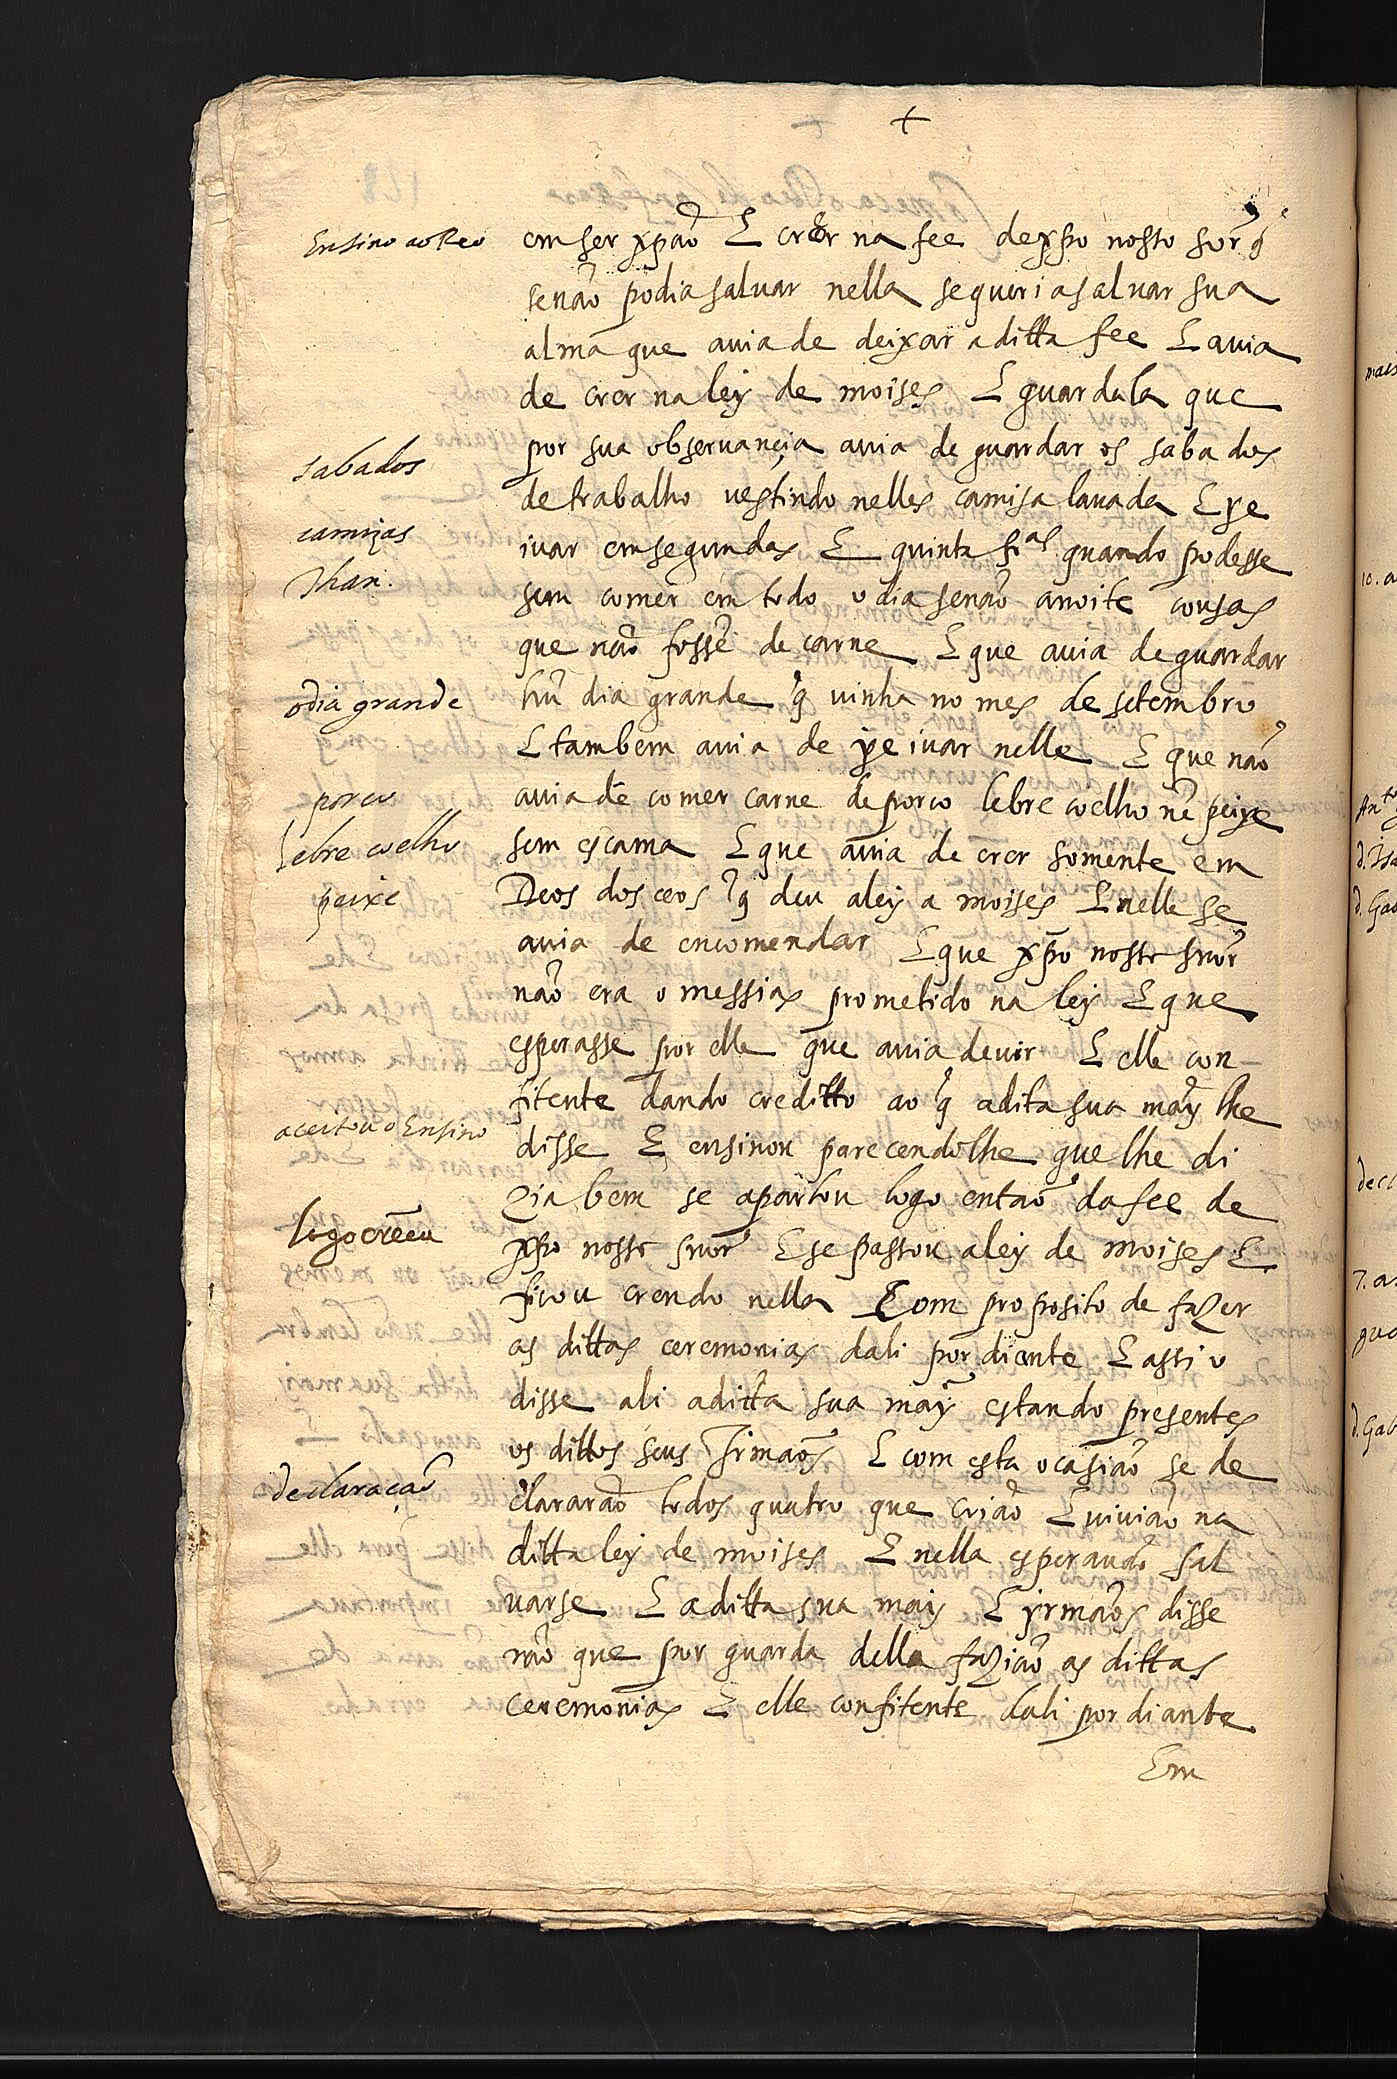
em ser xpaõ E creer na fee de xpo nosso sor̄ q̄
se não podia saluar nella se queria saluar sua
alma que auia de deixar a ditta fee E auia
de crer na ley de moises E guardala que
por sua obseruançia auia de guardar os sabados
de trabalho uestindo nelles camisa lauada E ye
iuar em segundas E quinta fras quando podesse
sem comer em todo o dia senão a noite cousas
que não fossē de carne E que auia de guardar
hū dia grande q̄ uinha no mes de setembro
E tambem auia de yeiuar nelle E que naõ
auia de comer carne de porco lebre coelho nē peixe
sem escama E que auia de crer somente em
Deos dos ceos q̄ deu a ley a moises E nelle se
auia de encomendar E que xp̄o nosso senor̄
naõ era o messias prometido na ley E que
esperasse por elle que auia de uir E elle con
fitente dando creditto ao q̄ a dita sua maỹ lhe
disse E ensinou parecendolhe que lhe di
zia bem se apartou logo entaõ da fee de
xpo nosso snor̄ E se passou a ley de moises E
ficou crendo nella Com proposito de fazer
as dittas ceremonias dali por diante E assi o
disse ali a ditta sua maỹ estando presentes
os dittos seus Jrmaõs E com esta ocasiaõ se de
clararão todos quatro que criaõ E uiuião na
ditta ley de moises E nella esperauão sal
uarse E a ditta sua may E yrmaõs disse
raõ que por guarda della faziaõ as dittas
ceremonias E elle confitente dali por diante
Em
